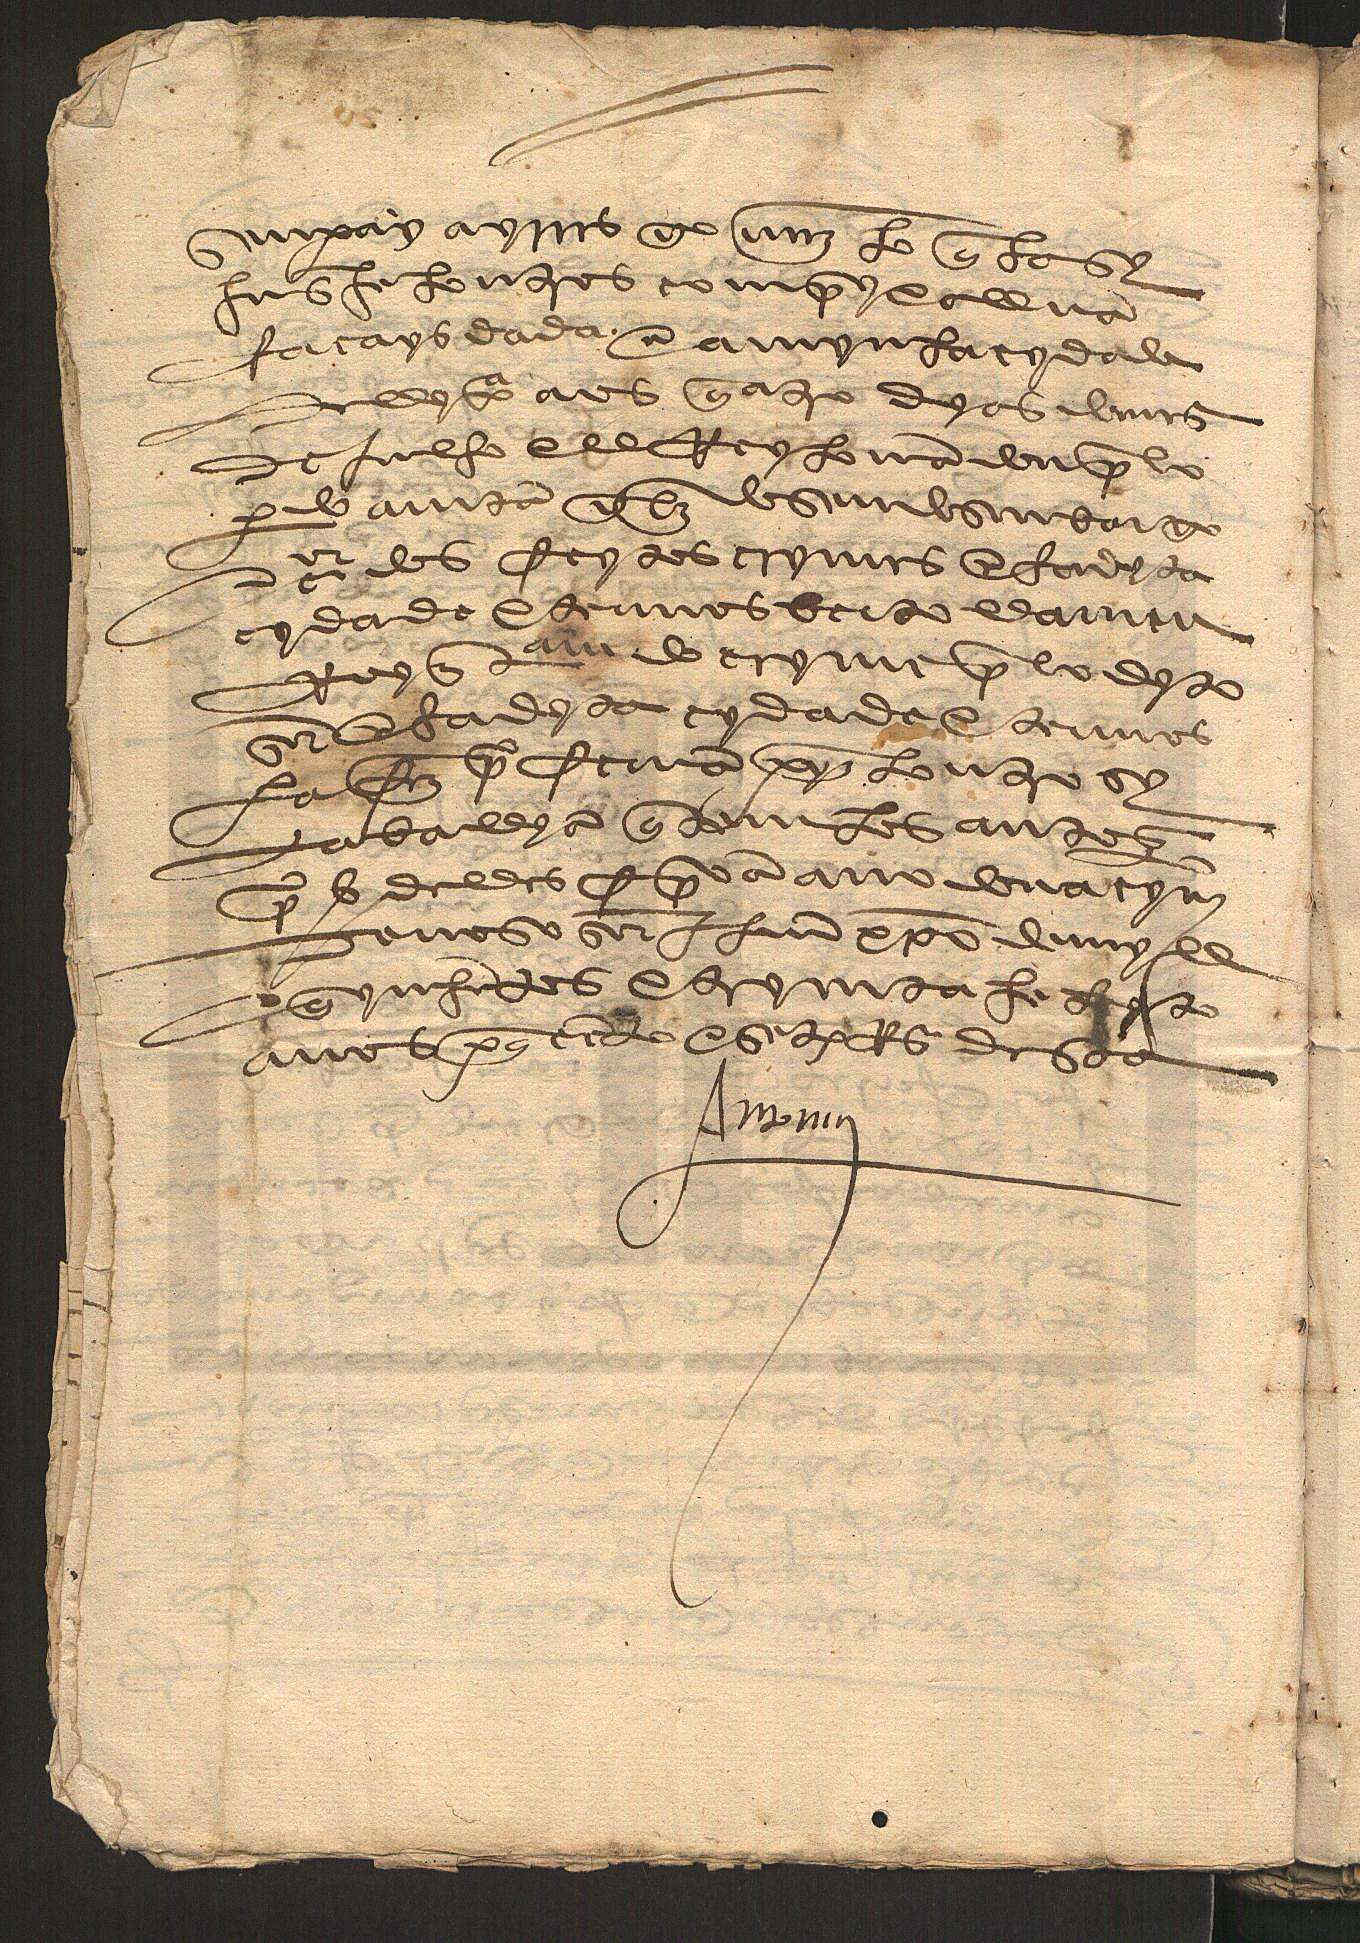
seu pay ayrres gomez ho q̄ hasy
hus̄ he houtros comp̄y e all nā
façays dada. ē a mynha cydade
de llyxa aos q̄atro dyas do mes
de Julho ell Rey ho mādoy p̄lo
ꝑdo amtā gl̄z do seu desembargo
e cor dos feytos crymes ē ha dyta
cydade e termos bertolllameu
Royz̄ tam do cryme p̄lo dyto
s̄or ē ha dyta cydade e termos
ha fez p̄o fernā p̄yz houtrosy
taballyā q̄ tem hos autos
p̄o ꞩ delles sp̄vā ano do nacymto
de noso s̄or Jhū x̄po de myll
e q̄ynhētos e trymta he hoyto
anos p̄g cēto e setꝭ Rs desta
Antoniꝯ
